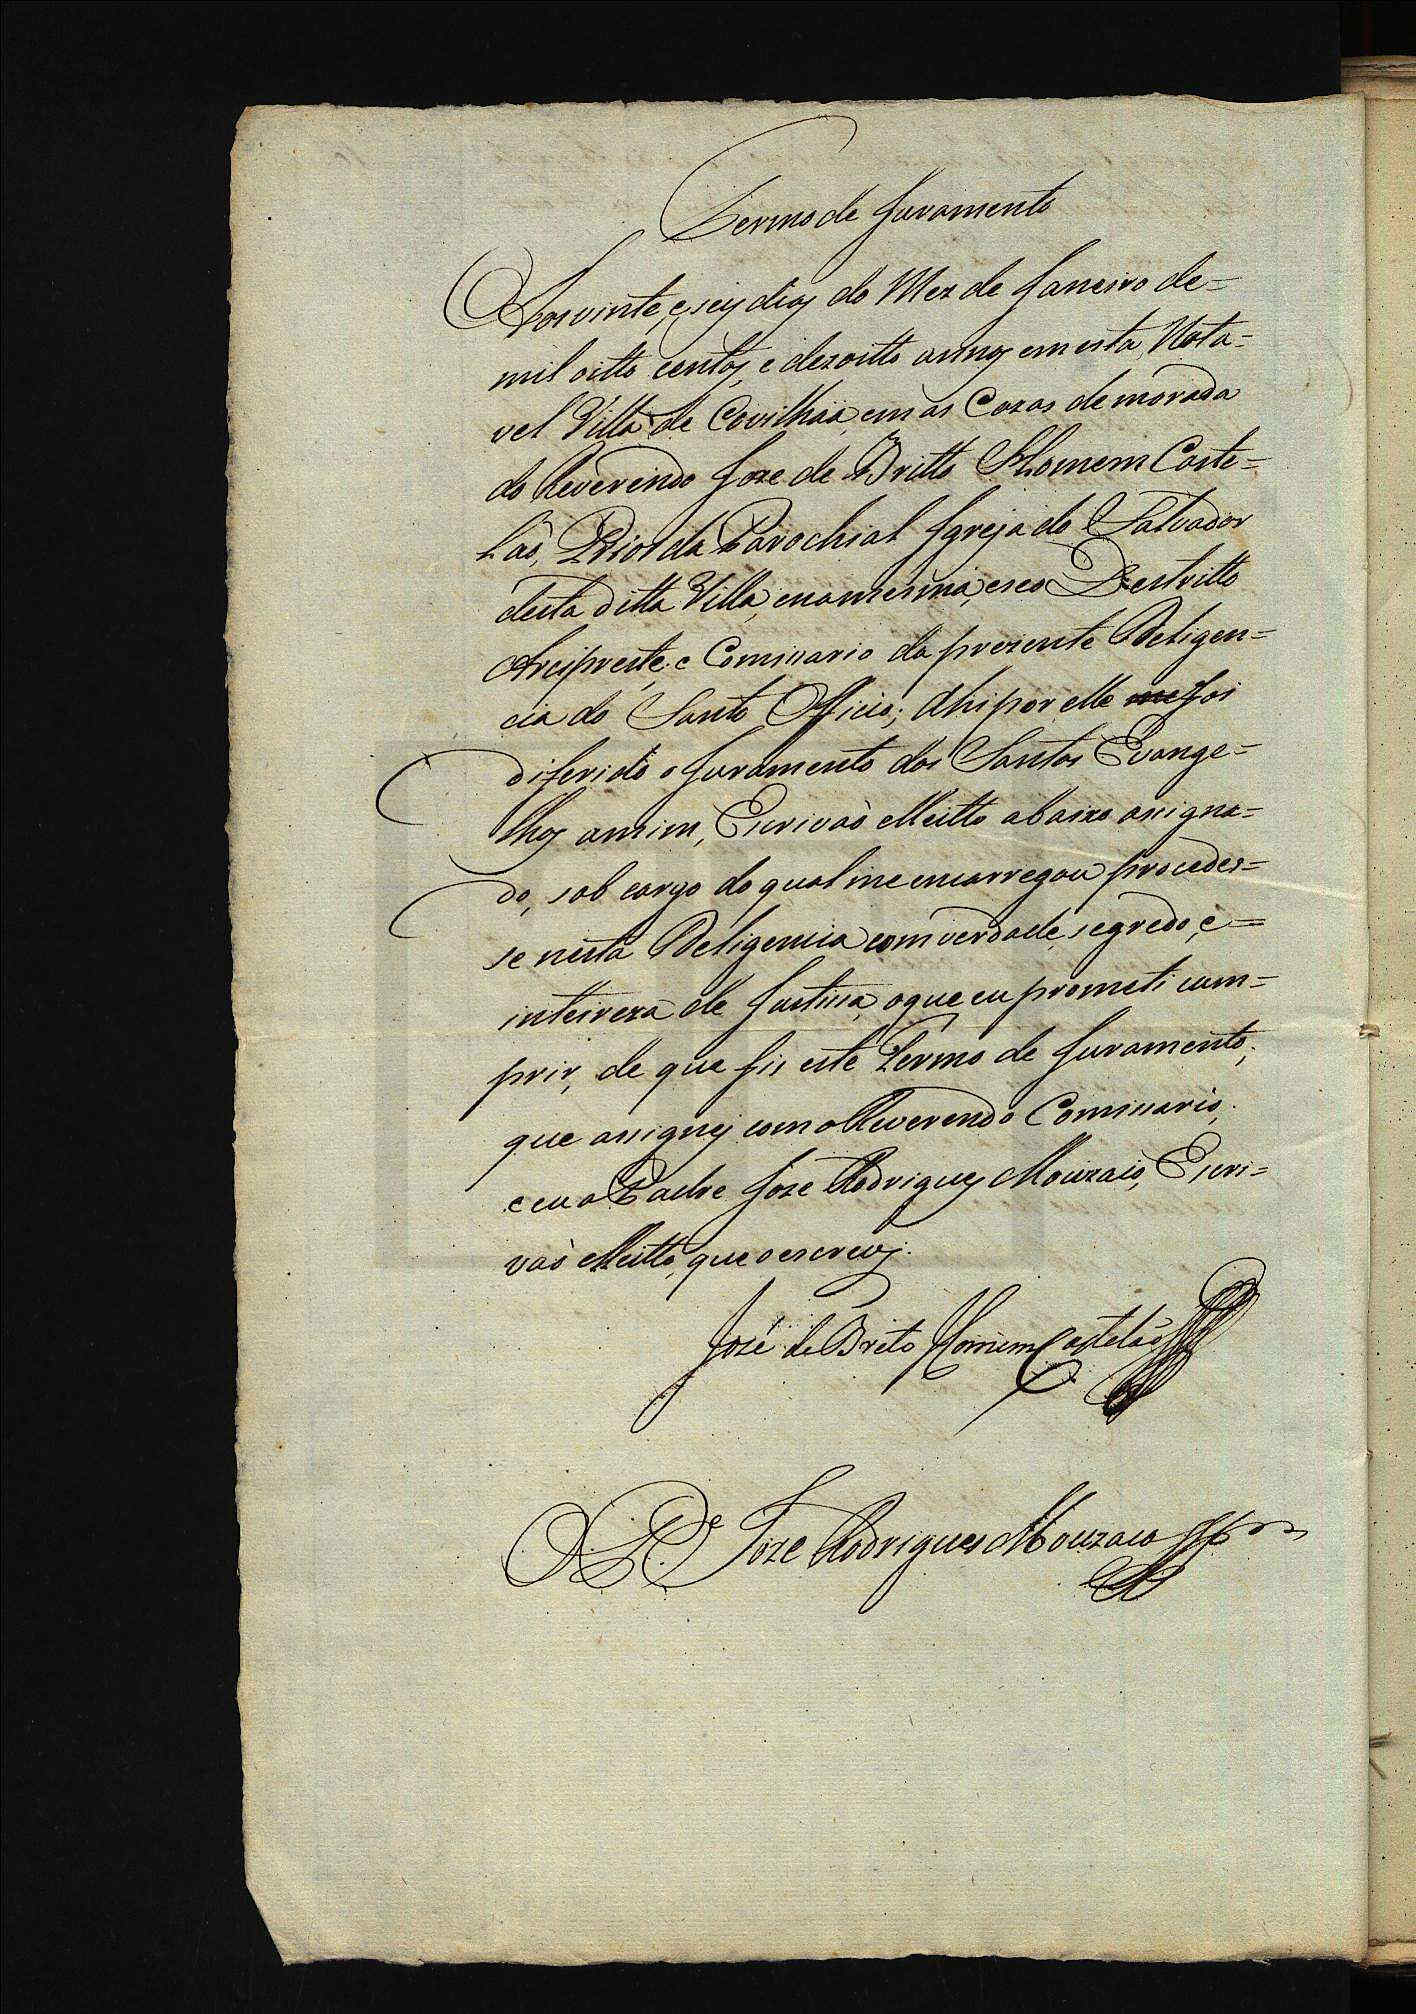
Termo de Juramento
Aos vinte, e seis dias dos Mez de Janeiro de
mil oitto centos, e dezoito annos em esta Nota
vel Villa de Covilhaa, em as Cazas de morada
do Reverendo Joze de Brito Homem Caste
laõ, Prior da Parochial Jgreja do Salvador
desta ditta Villa, e na mesma e seo Destritto
Arcipreste; e Comissario da prezente Deligen
cia do Santo Officio; ahi por elle me foi
diferido o Juramento dos Santos Evange
lhos a mim, Escrivaõ elleitto abaixo assigna
do, sob cargo do qual me encarregou procedes
se nesta Deligencia com verdade, segredo, e
inteireza de Justiça, o que eu prometi cum
prir, de que fis este Termo de Juramento,
que assignej com o Reverendo Comissario,
e eu o Padre Joze Rodrigues Mouzais, Escri
vaõ elleitto, que o escrevj.
